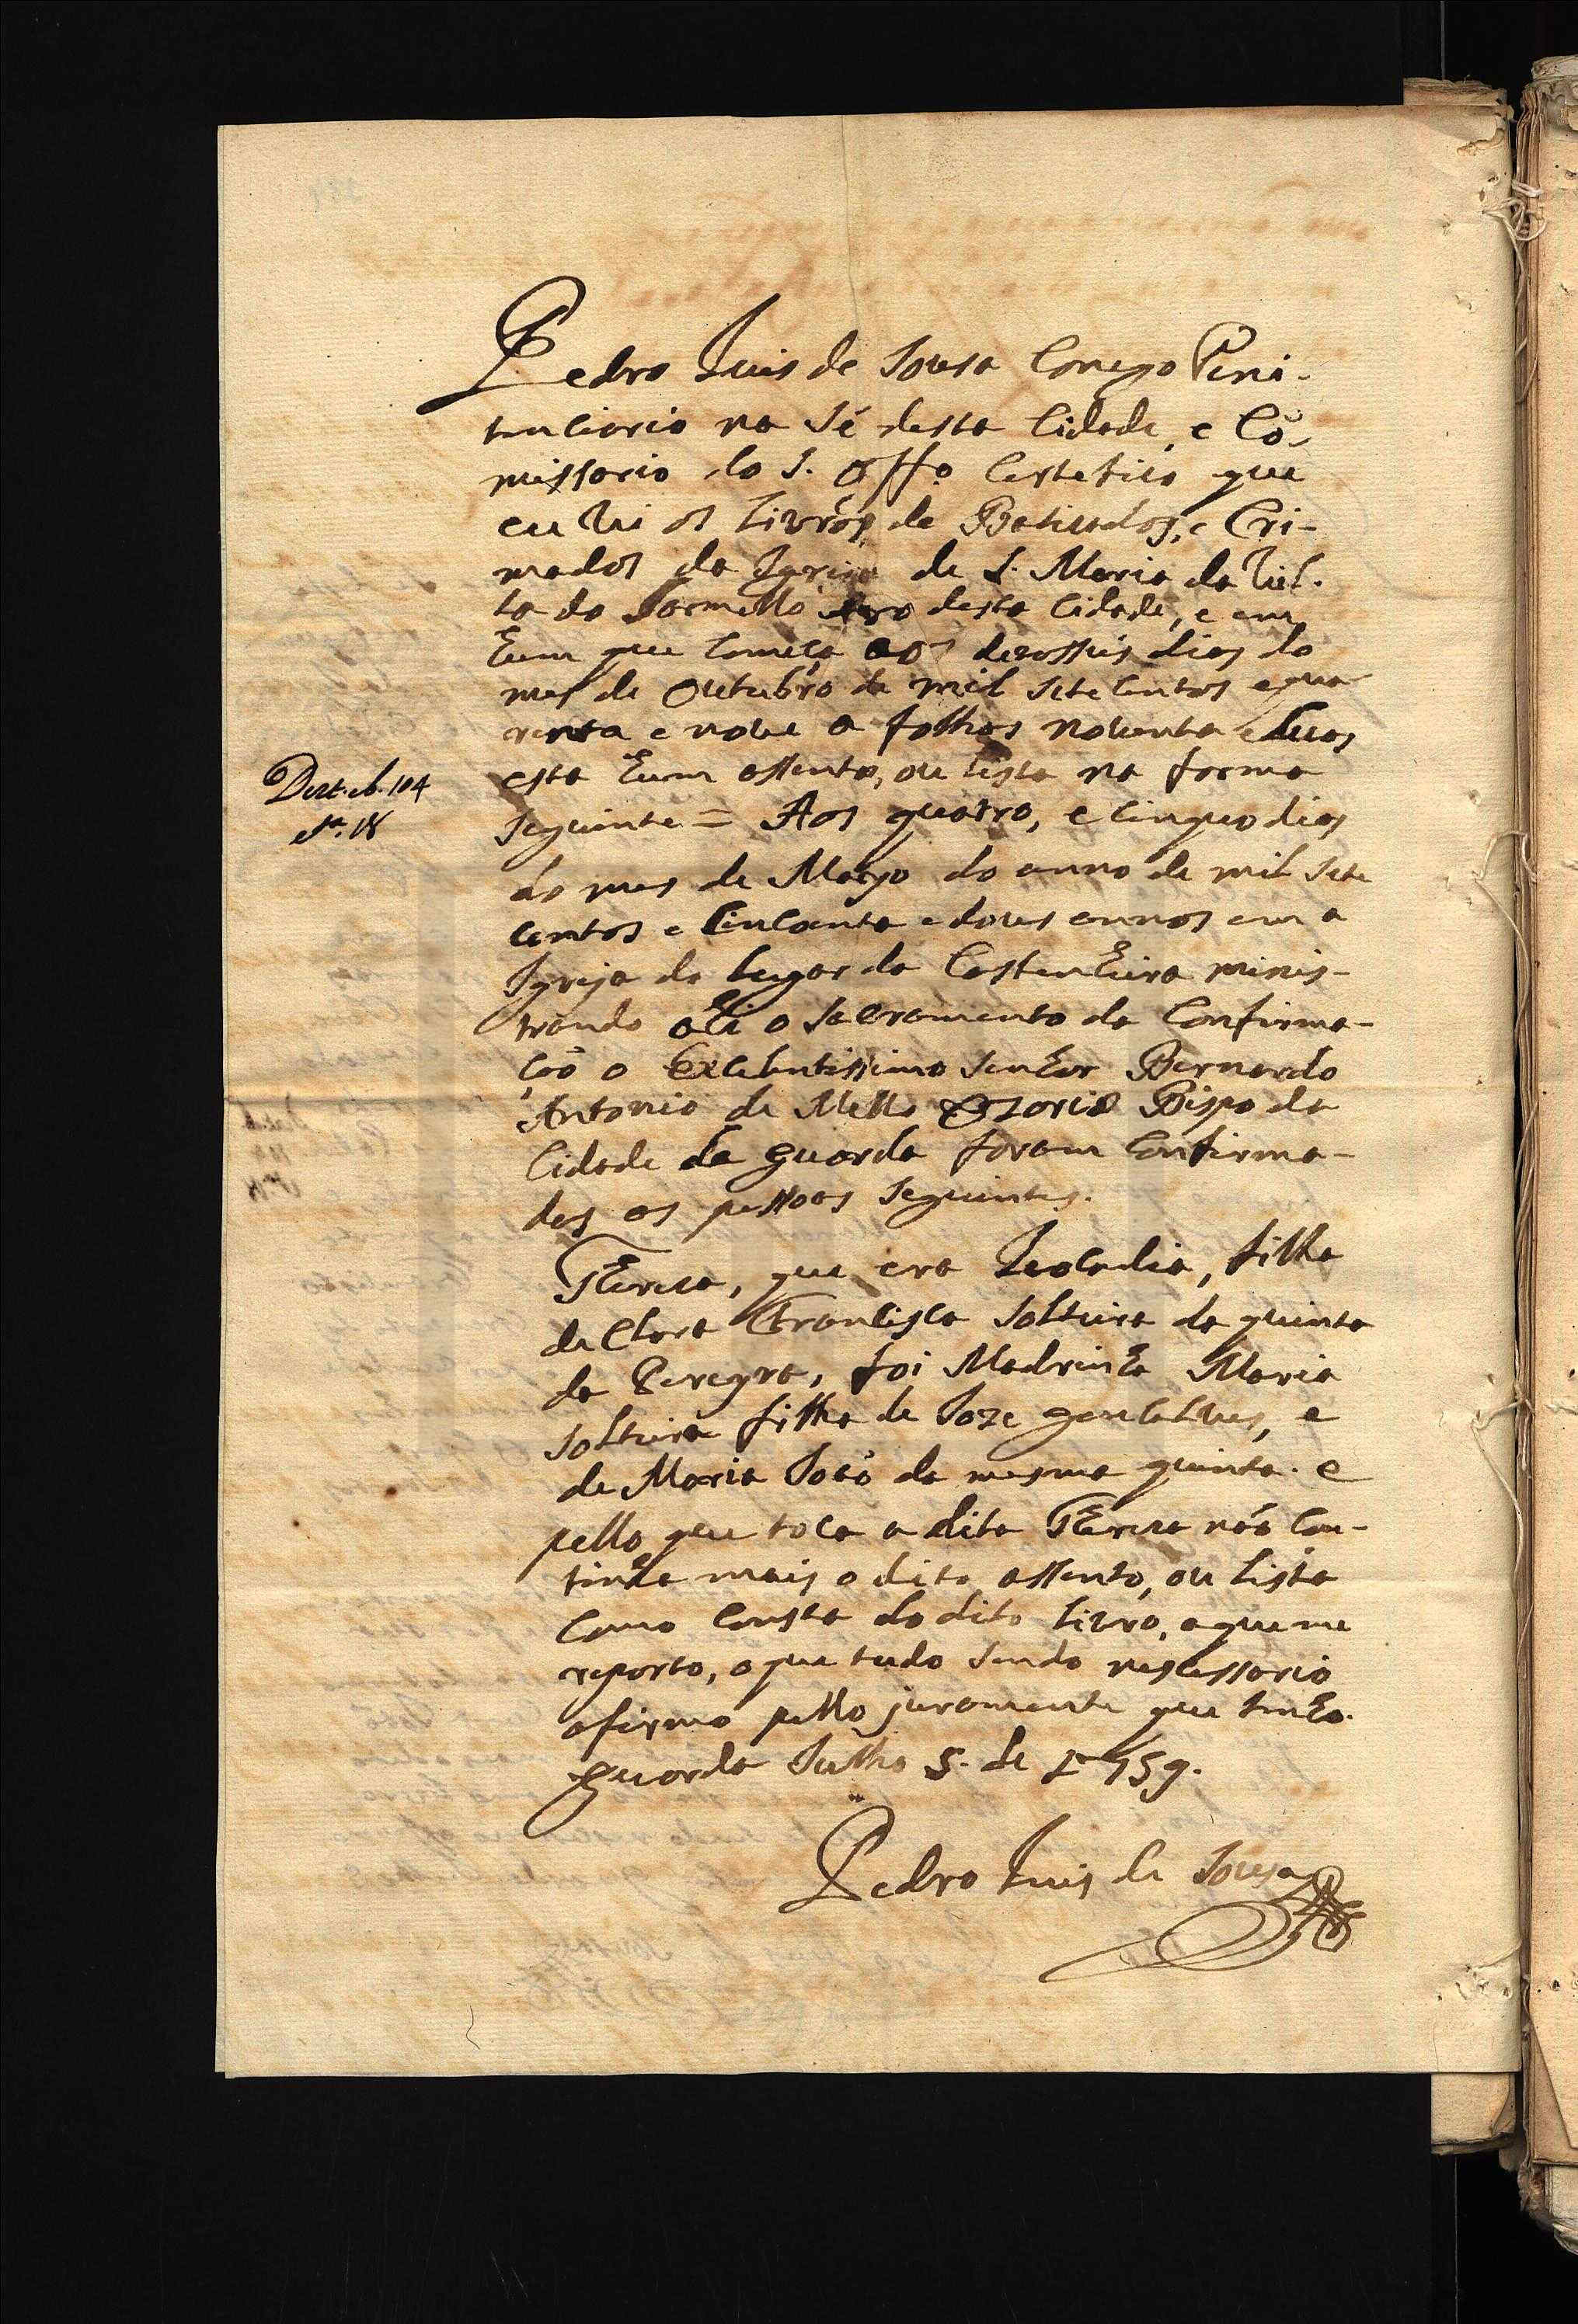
Dert. e b. 104
cta. 18
Pedro Luis de Sousa Conego Peni
tenciario na Sé desta Cidade, e Cō
missario do S. Off.o Certefico que
eu vi os Livros de Batizados, e Cri
mados da Igreja de S. Maria da Vil
la do Iarmello Aro desta Cidade, e em
hum que Começa aos dezesseis dias do
mes de Outubro de mil setecentos e qua
renta e nove a folhas noventa e duas
esta hum assento, ou lista na forma
seguinte = Aos quatro, e cinquo dias
do mes de Mayo do anno de mil sete
centos e Cincoenta e dous annos em a
Igreja do Lugar da Castenheira minis
trando ahi o sacramento da Confirma
çaõ o Excelentissimo senhor Bernardo
Antonio de Mello Ozorio Bispo da
Cidade da Guarda foram Confirma
das as pessoas seguintes.
Thereza, que era Leocadia, filha
de Clara Francisca solteira da quinta
da Pereyra, foi Madrinha Maria
solteira filha de Ioze goncalves, e
de Maria Ioaõ da mesma quinta. e
pello que toca a dita Thereza não Con
tinha mais o dito assento, ou Lista
Como Consta do dito Livro, a que me
reporto, o que tudo sendo nescessario
afirmo pello juramento que tenho
Guarda Iulho 5. de 1759.
